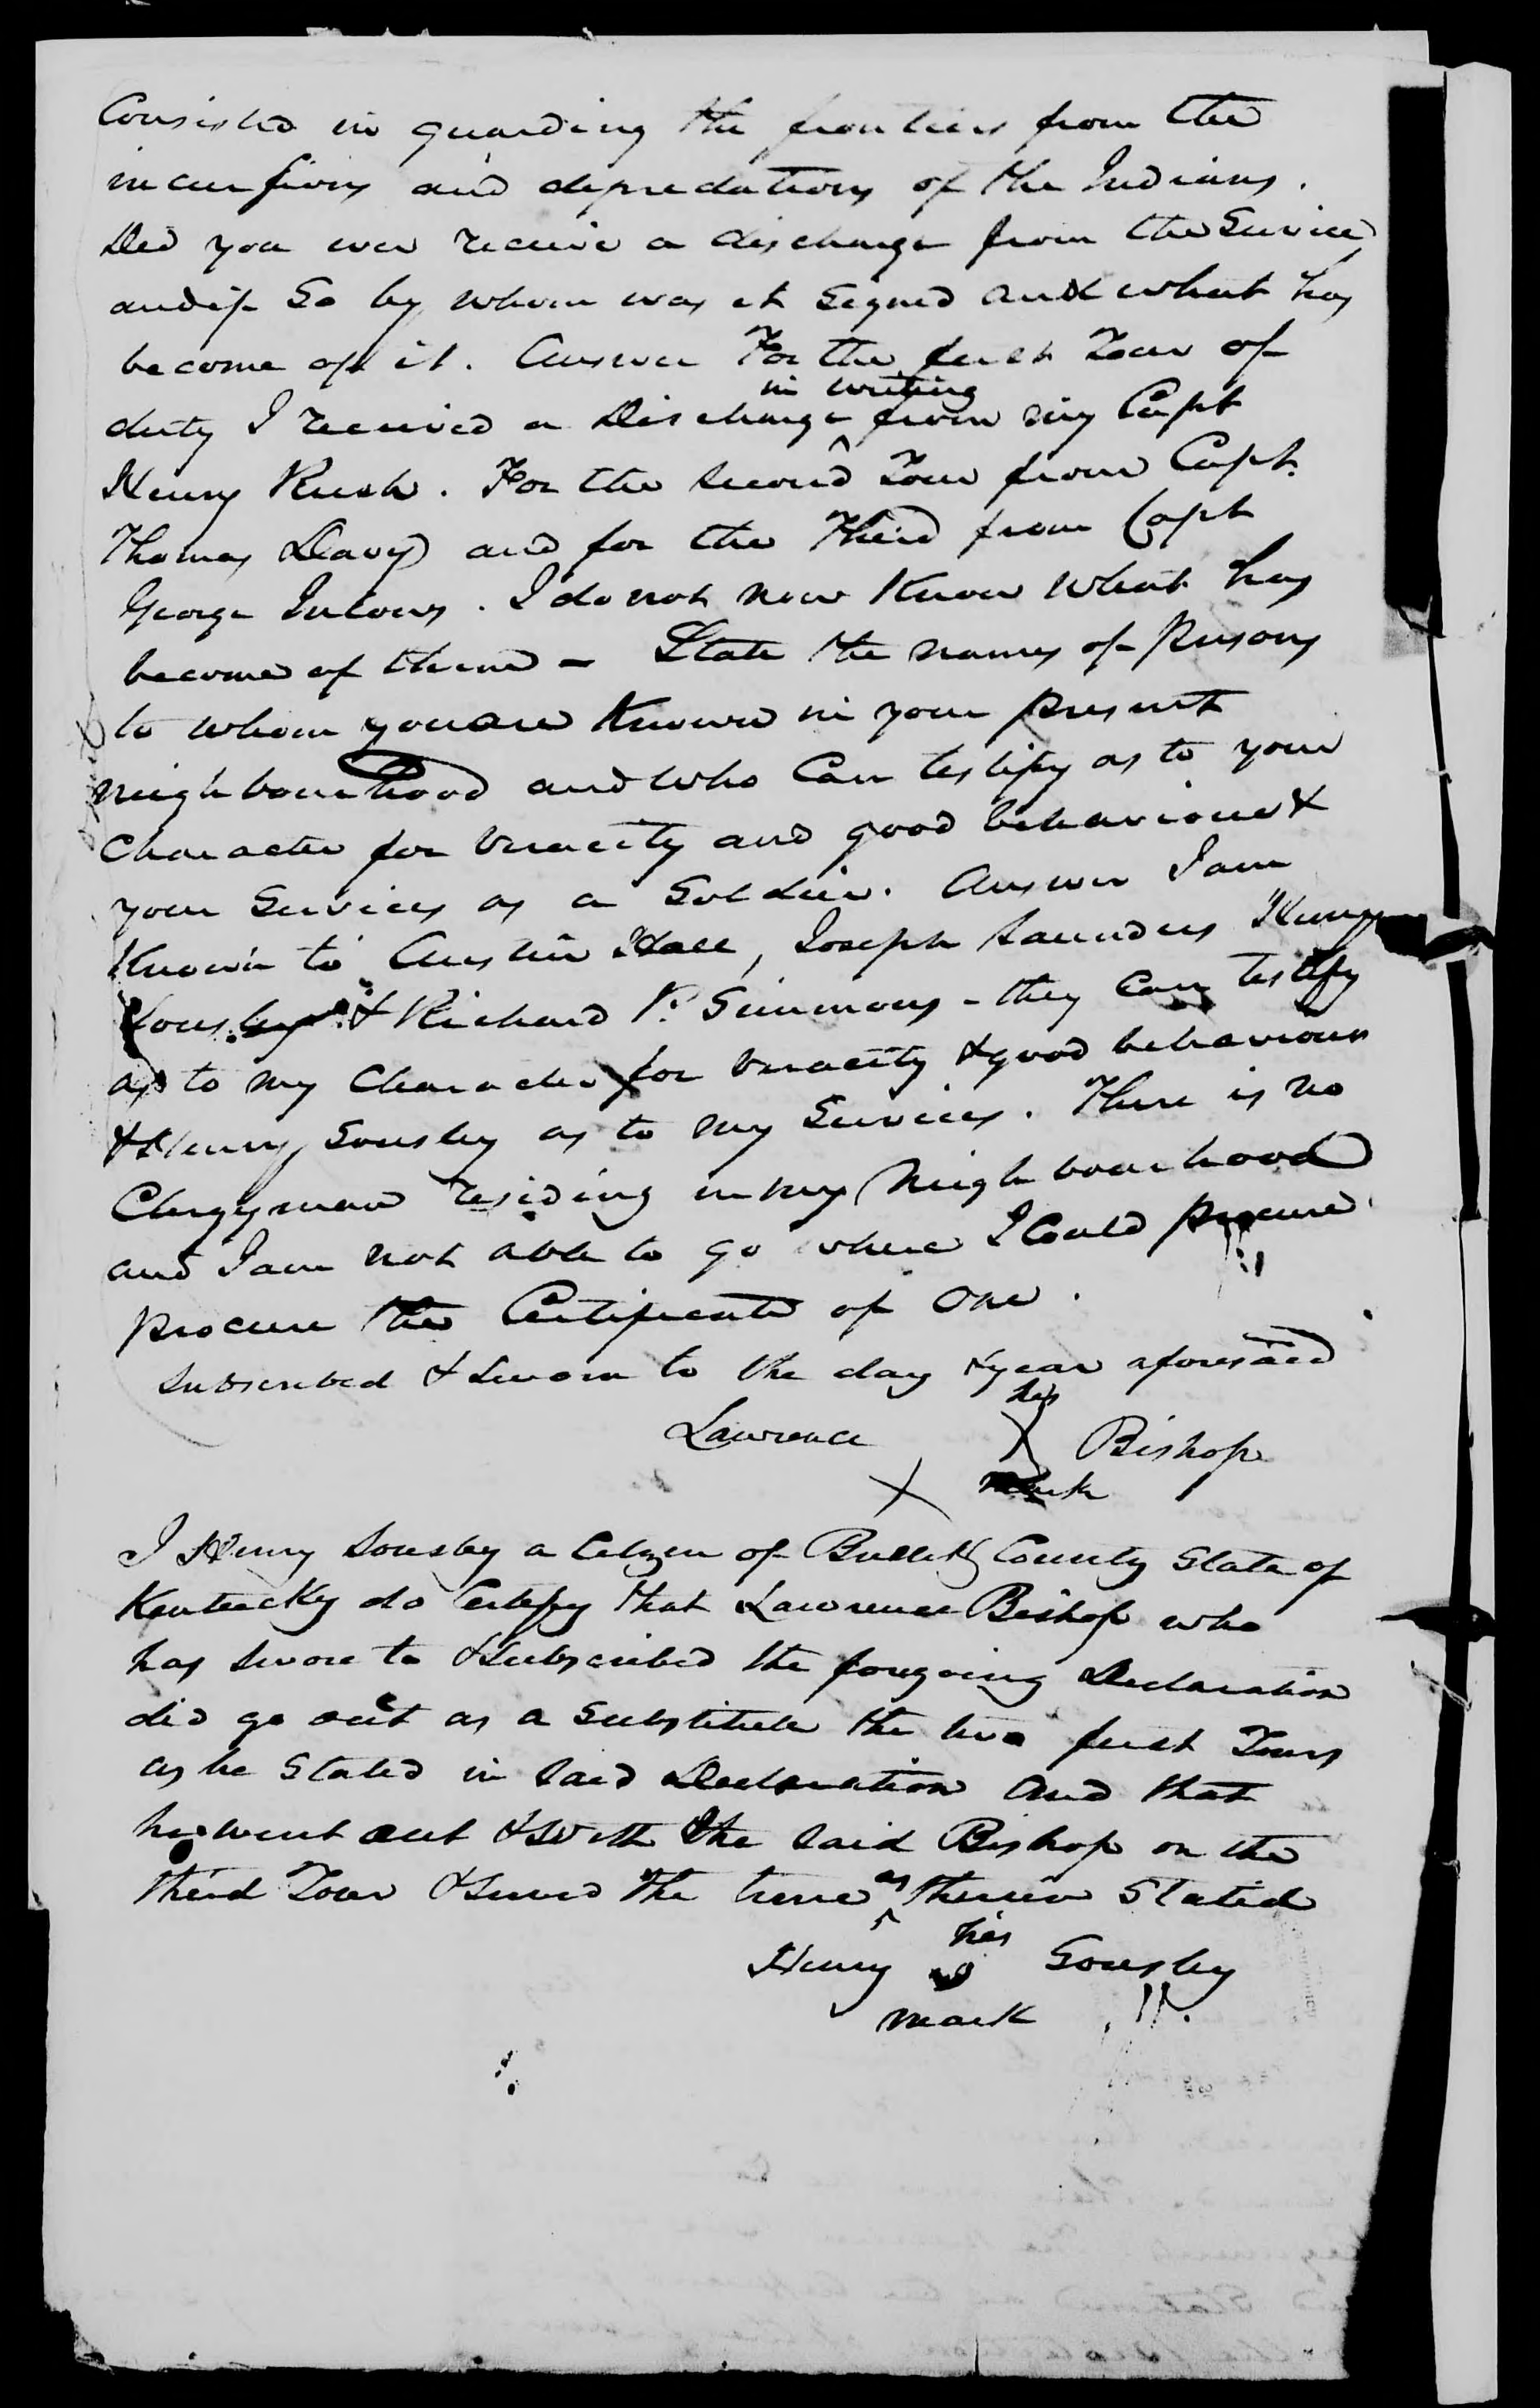consisted in guarding the frontiers from the incursions and depredations of the Indians.  
Did you ever receive a discharge from the service and if so by whom was it signed and what has become of it. 
Answer for the first Tour of duty I received a discharge in writing from my Capt Henry Rush. For the second hour from Capt Thomas Davy and for the Third from Capt George Inlows. I do not now know what he become of them – 
State the names of persons to whom you are here in your present to as to your neighbourhood and who can testify as to your character for veracity and good behavior & your services as a soldier. 
Answer I am known to Austin Hall, Joseph Saunders Henry Sousley & Richard P Simmons they can as to my character for veracity & good behaviour & Henry Sousley as to my services. There is no Clergyman residing in my neighbourhood and I am not able to go where I could procure procure the Certificate of one 
Lawrence Bishop  his mark
Subscribed & Sworn to the day & year aforesaid 
I Henry Sousley a Citizen of Bullitt County State of Kentucky do certify that Lawrence Bishop who has sworn to & subscribed the foregoing declaration did go out as a substitute the first two Tours he stated in said Declaration and that he went out & served with the said Bishop on the third Tour & served the time as therein stated 
Henry Sousley his mark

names: George Inlows, Henry Sousley, Thomas Davy, Henry Sousley, Richard P Simmons, Bishop, Lawrence Bishop, Lawrence Bishop, Henry Rush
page: 6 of 26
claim: survivor's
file: S.1,166, Lawrence Bishop, Penn.